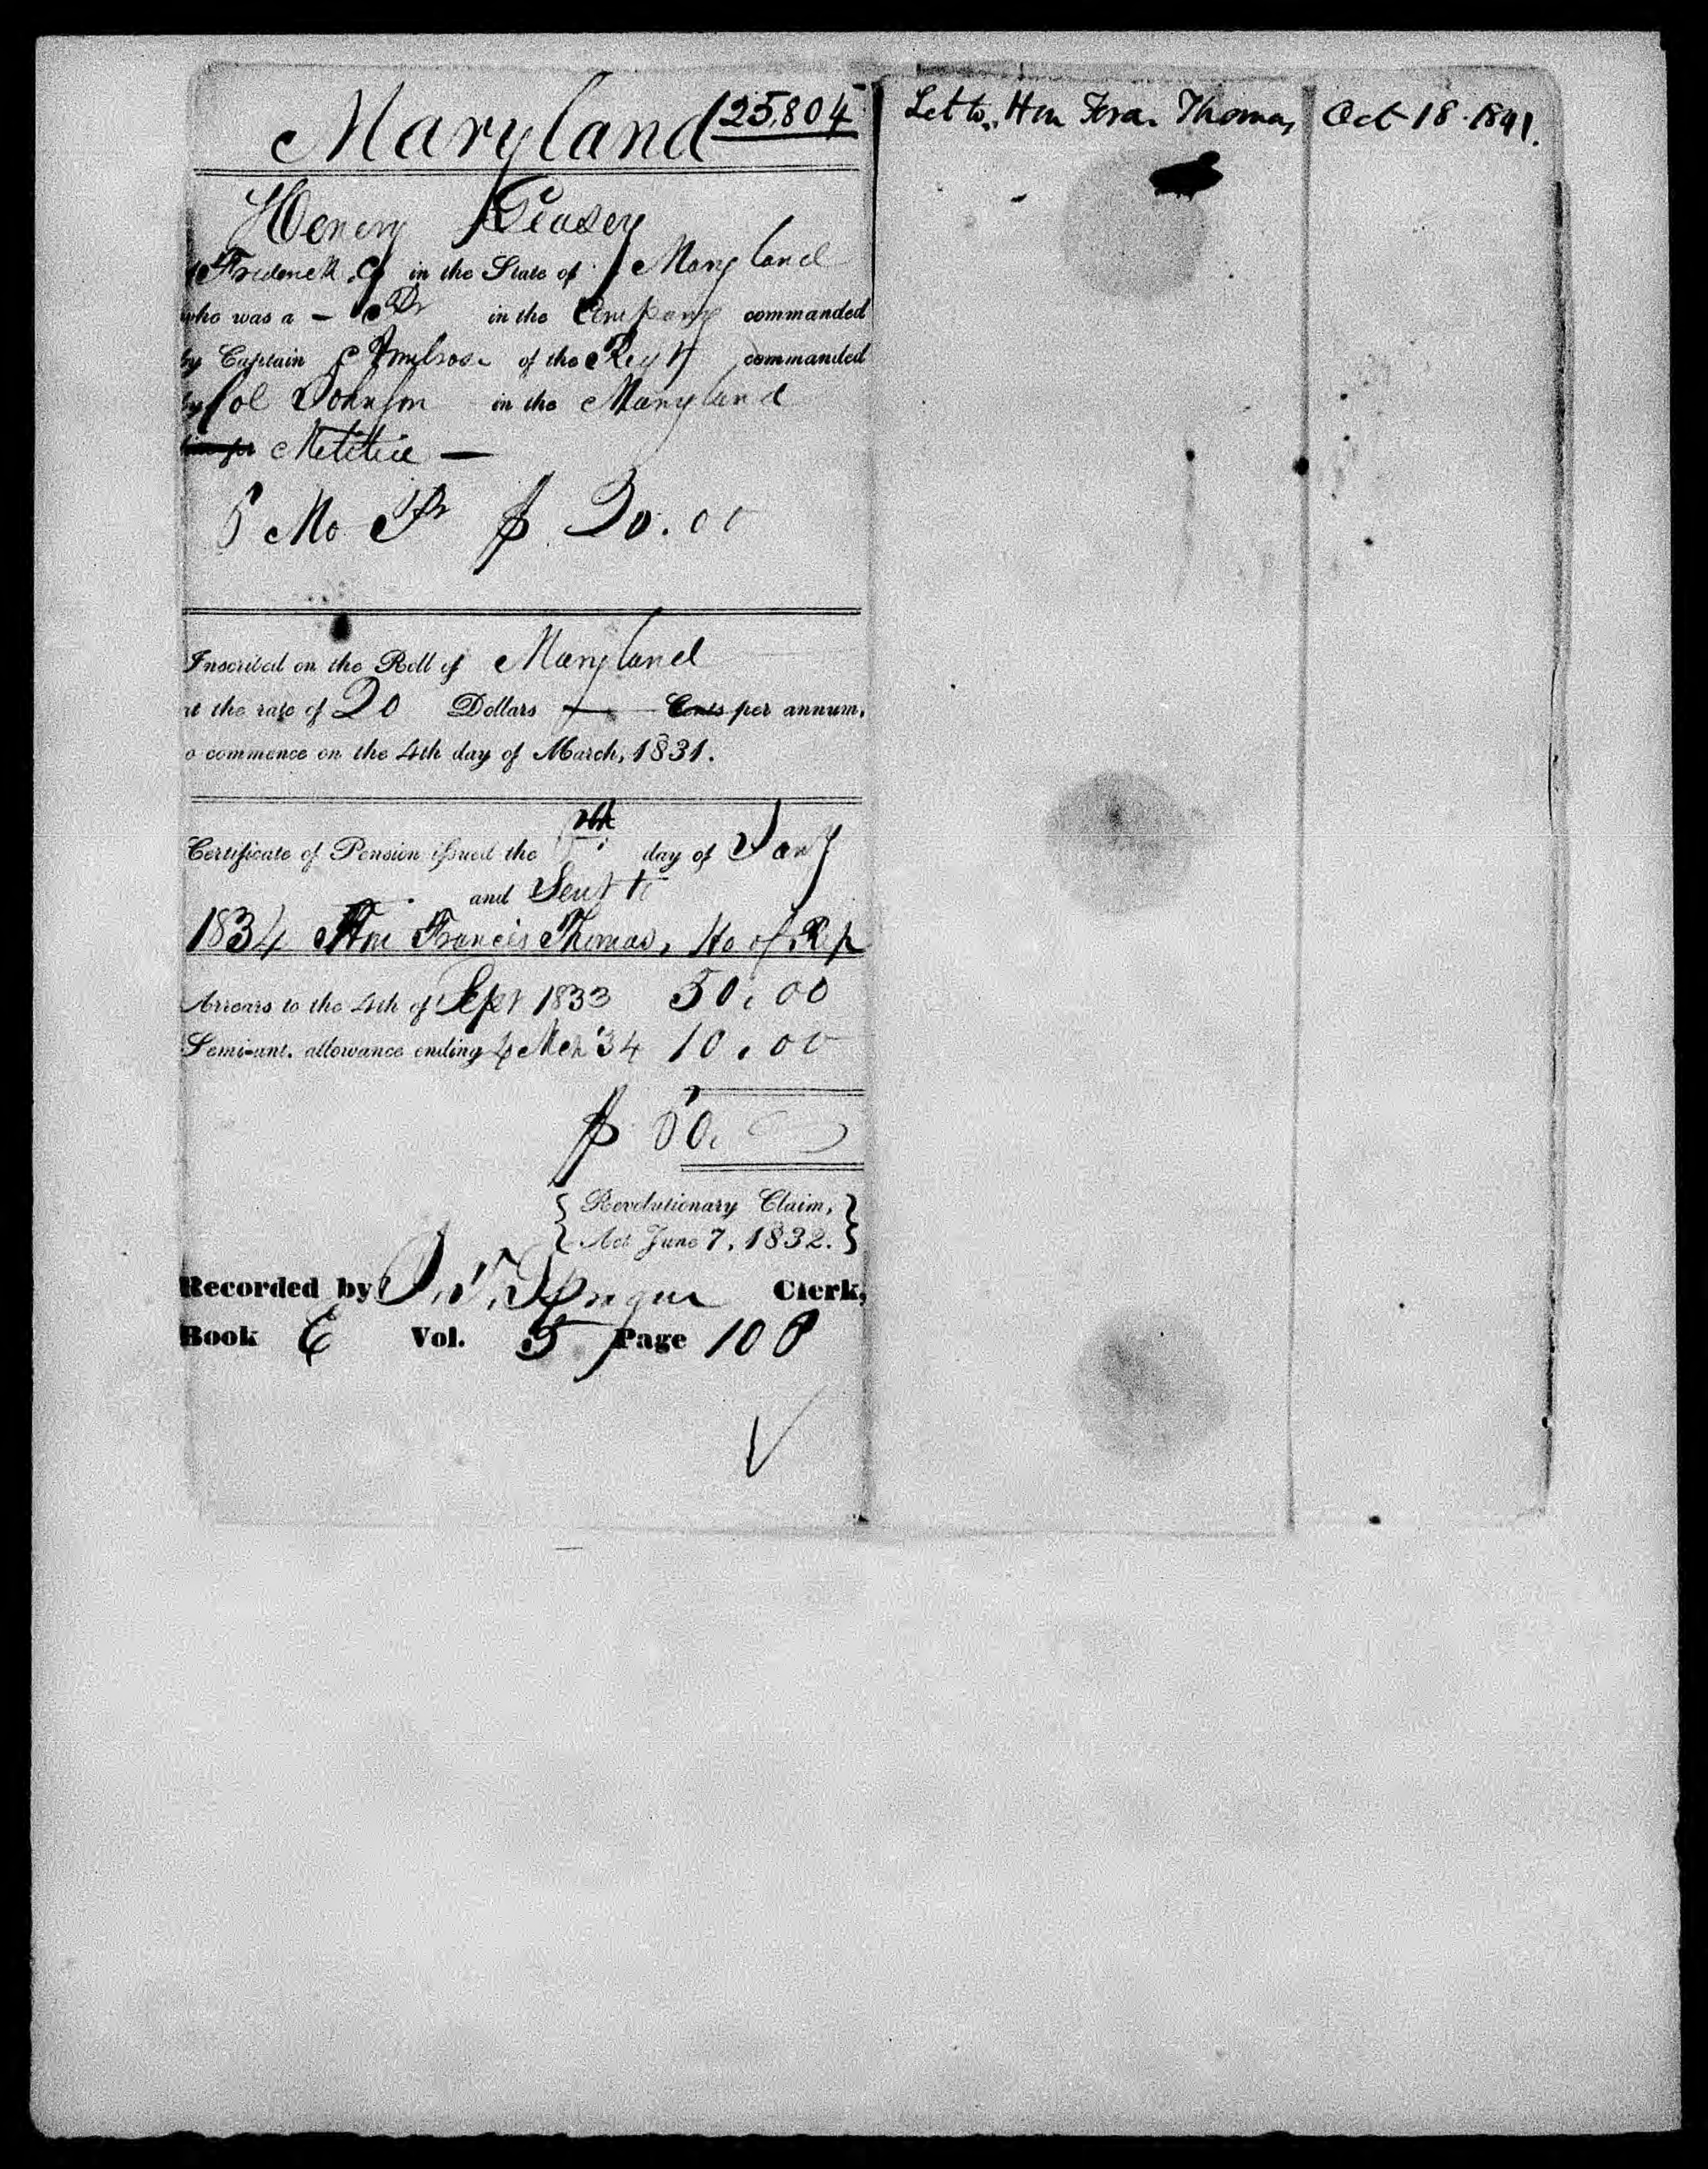[Two columns]
[Left column]

Maryland [begin underline 25,804 [end underline]
[double underline]

Henry Geasey
Frederick Co. in the State of Maryland
who was a Pr in the Company commanded
by Captain Ambrose of the Regt commanded
by Col Johnson in the Maryland
[words scratched out] Militia

6 Mo Pr $20.00
[double underline]

Inscribed on the Roll of Maryland
at the rate of 20 Dollars ---- Cents per annum,
to commence on the 4th day of March 1834.
[double underline]

Certificate of Pension issued the 6th day of Jany
1834 and Sent to
Hon Francis Thomas, Ho of Rep.
[double underline]

Arrears to the 4th of Sept 1833 50.00
Semi-allowance ending 4 Mar '34 10.00
$60.00
[double underline}

{Revolutionary Claim,}
{Act June 7, 1832.}

Recorded by J.J. Sprague, Clerk
Book E Vol. 5 Page 106

[Right column]

Let. to Hon Fora Thomas, Oct 18. 1841.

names: Henry Geasey, Johnson, Fora Thomas, J J Sprague, Francis Thomas, Ambrose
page: 2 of 11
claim: survivor's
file: S. 8554, Henry Geasey, Md.